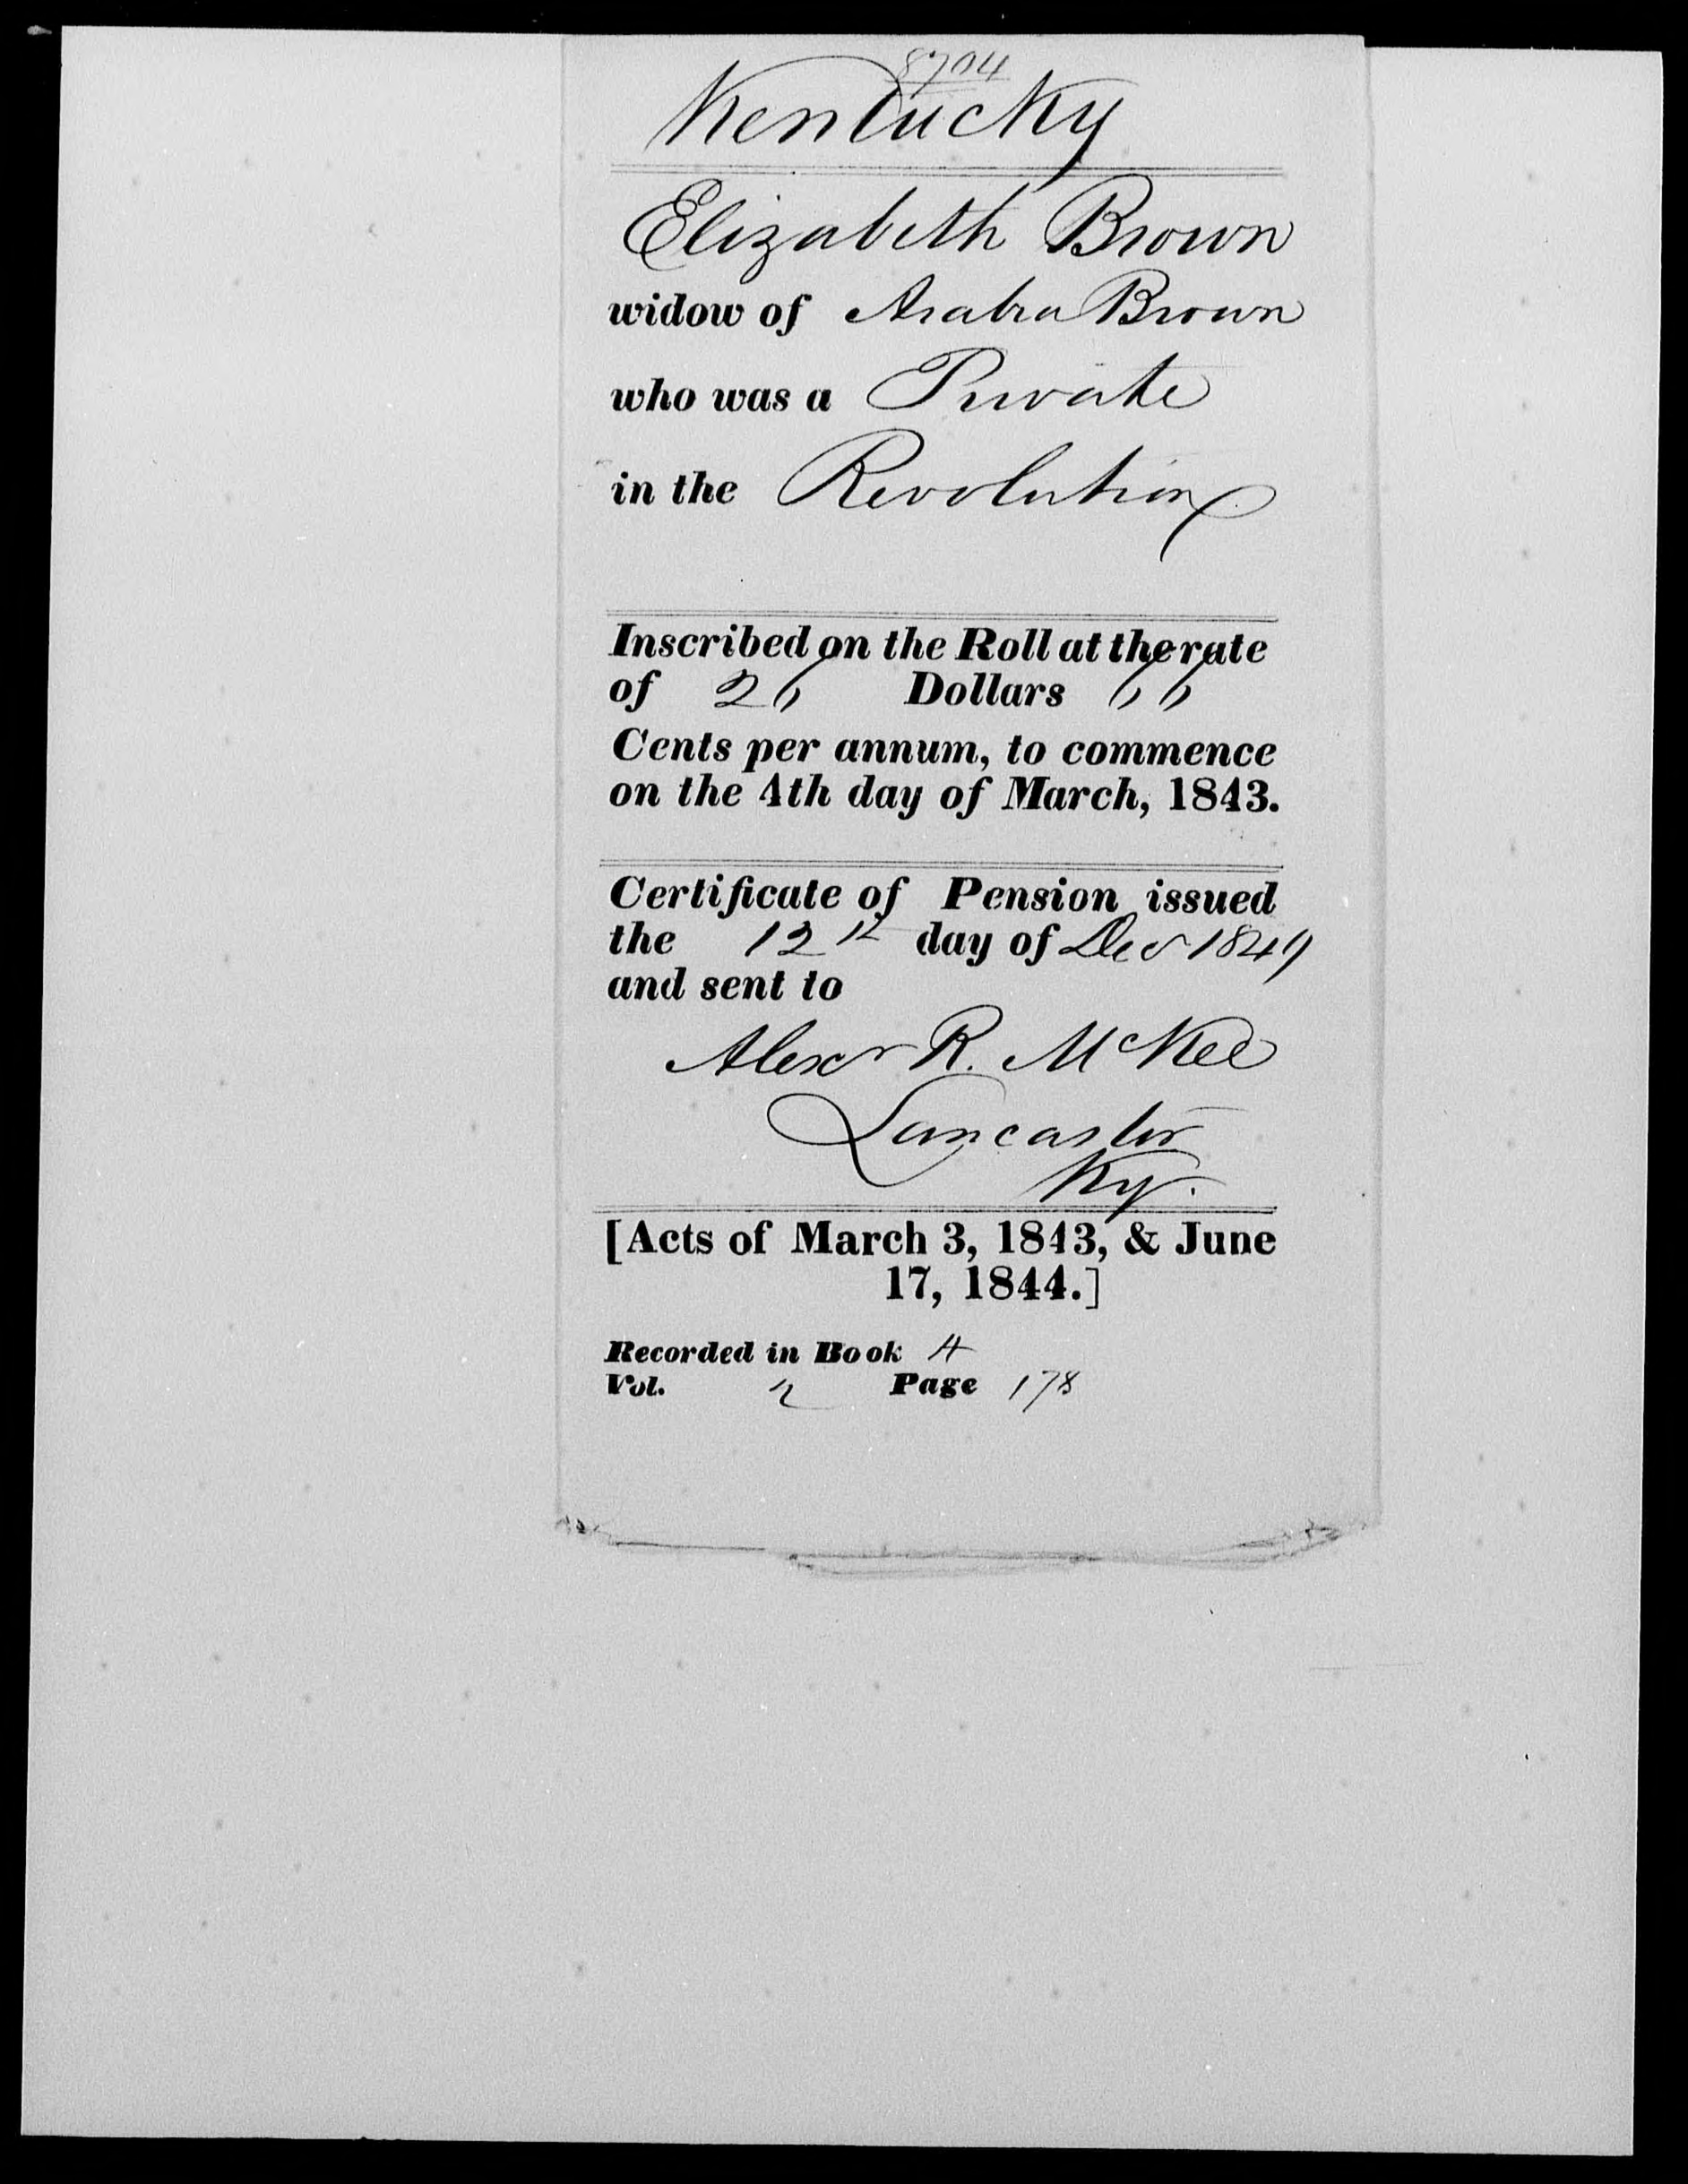8704
Kentucky
Elizabeth  Brown
widow of Arabia Brown
who was a Private
in the Revoluntion

Inscribed on the Roll at the rate
of 26 Dollars 66
Cents per annum, to commence
on the 4th day of March, 1843.

Certificate of Pension issued
the 12th day of Dec 1849
and sent to 
Alex R McKee
Lancaster, Ky

(Acts of March 3, 1843 & June 17, 1844)

Recorded in Book H
Vol. 2 Page 178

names: Alexr R Mc Kee, Elizabeth Brown, Arabia Brown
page: 51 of 65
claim: widow's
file: W. 8384, Arabia Brown, Va.